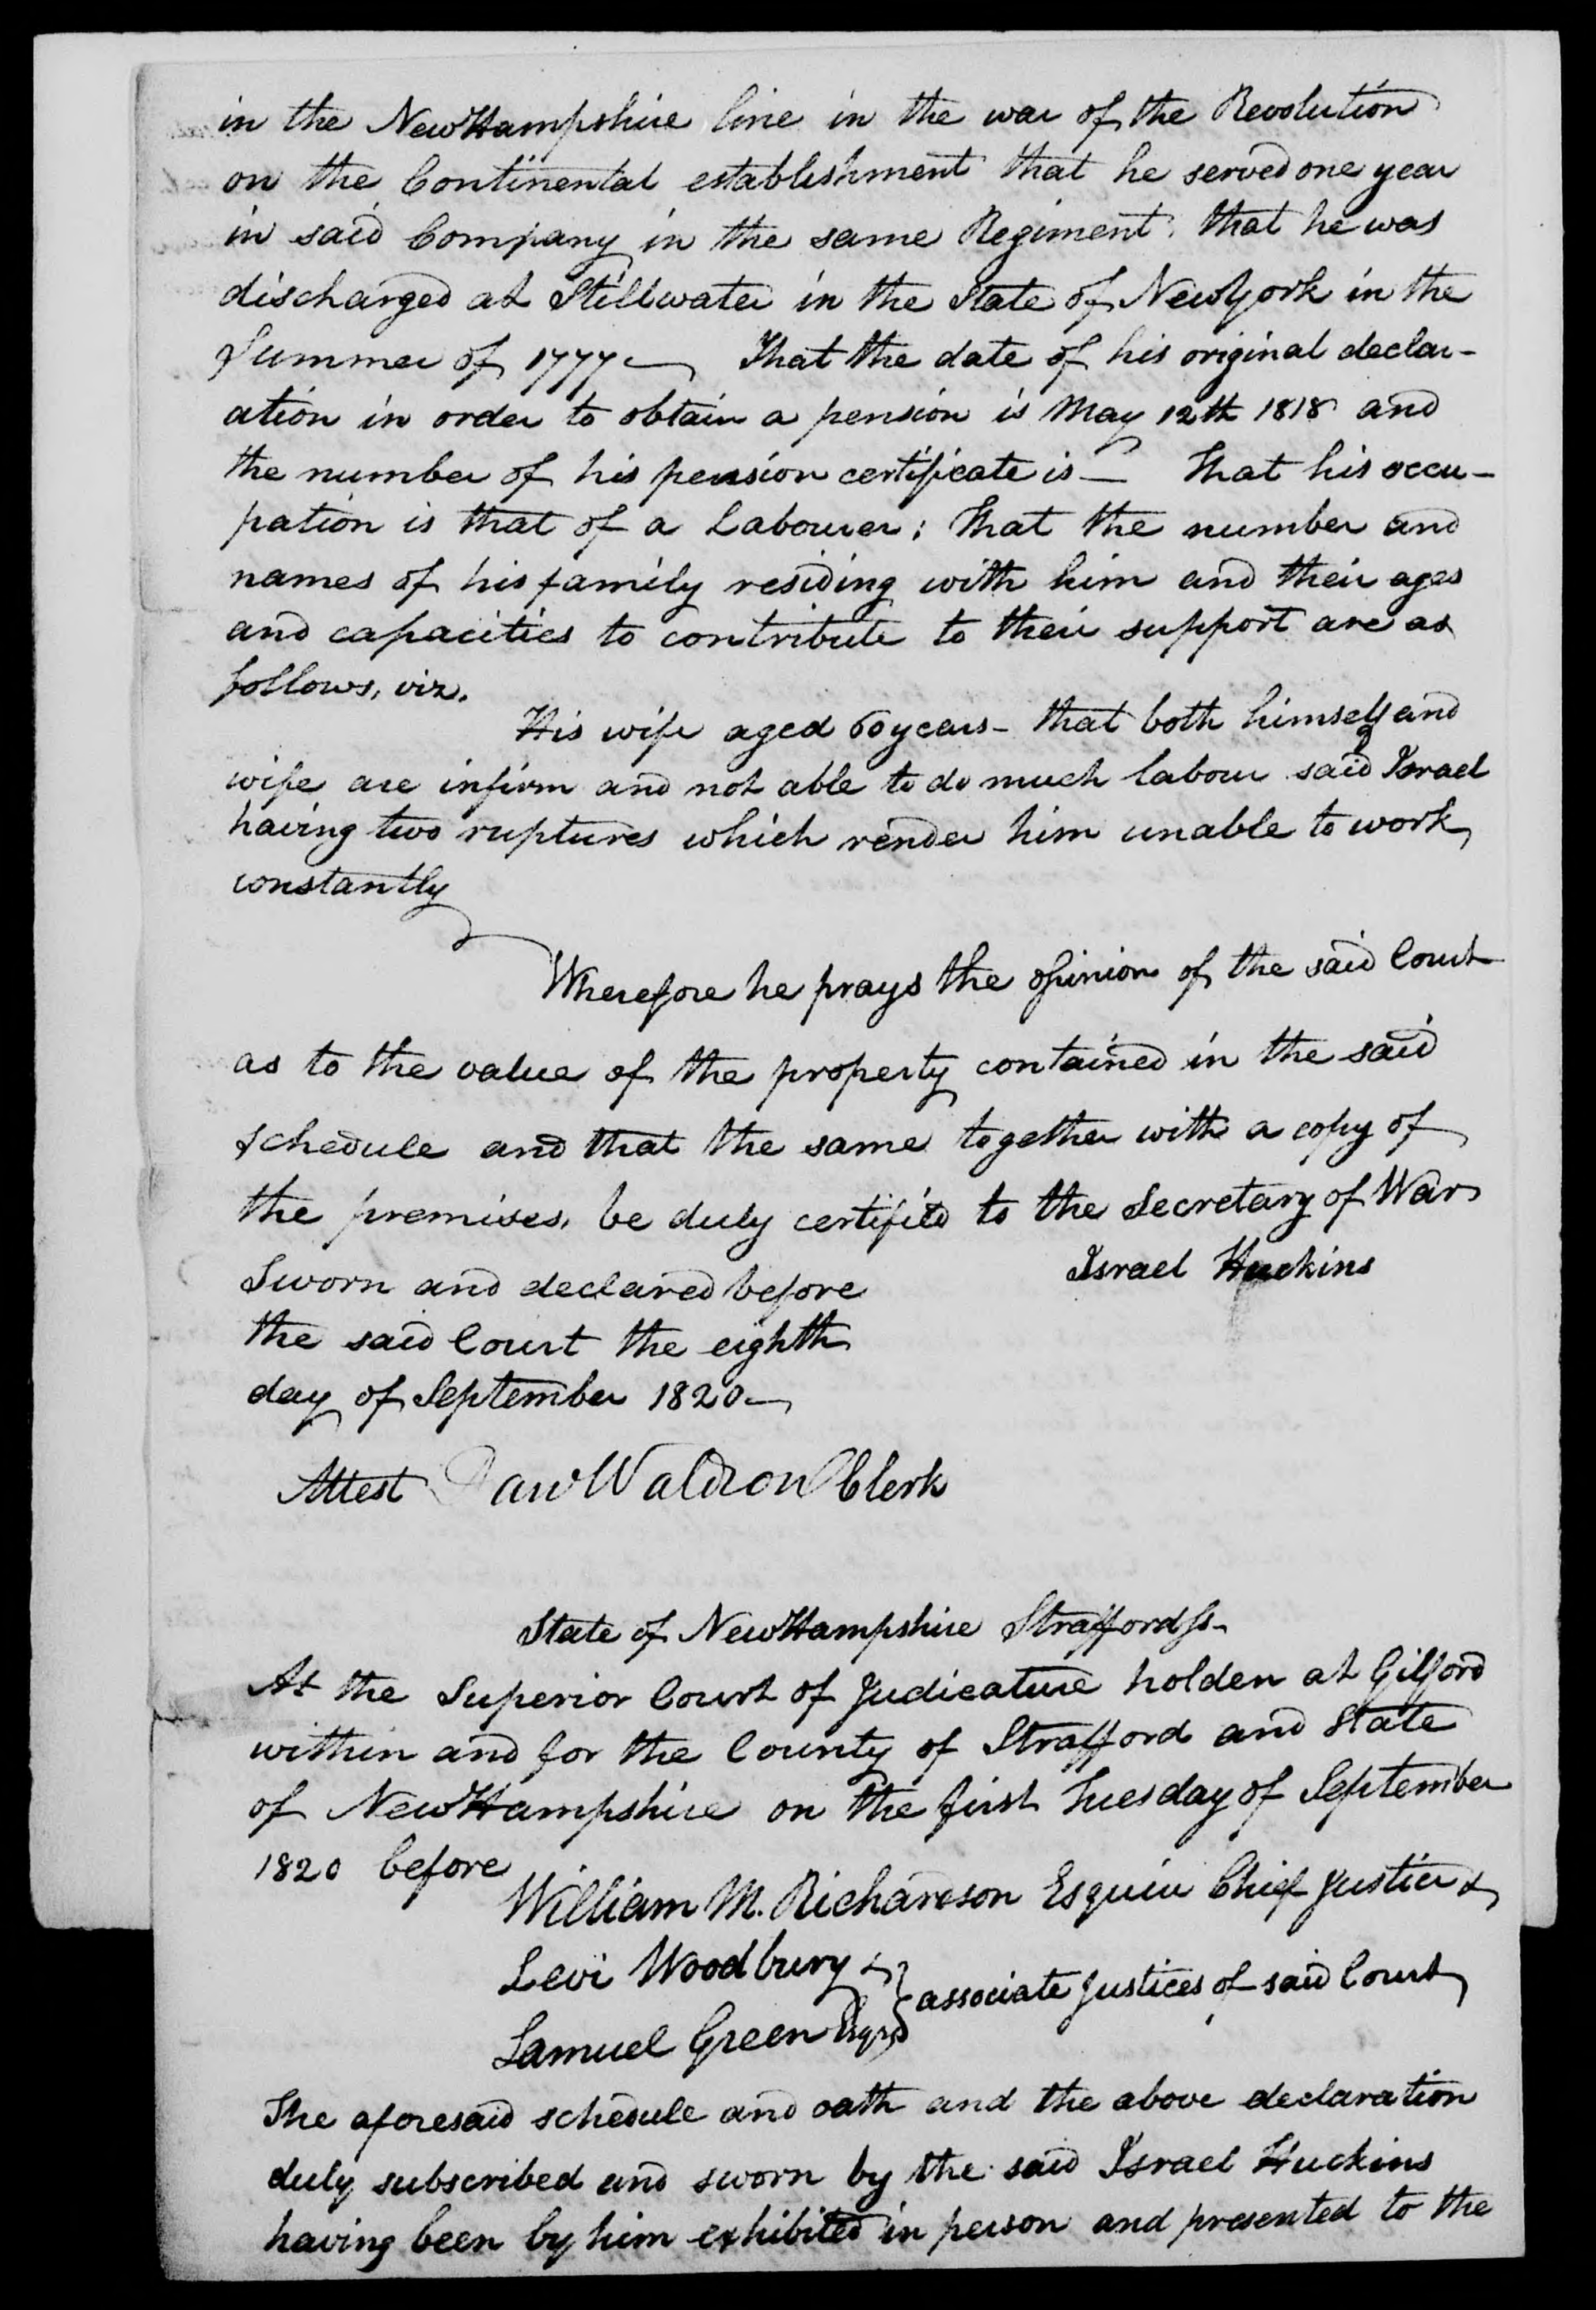In the New Hampshire line in the war of the Revolution on the Continental establishment. That he served one year in said Company in the same Regiment. That he was discharged at Stillwater in the State of New York in the summer of 1777. That the date of his original declaration in order to obtain a pension is May 12th, 1818 and the number of his pension certificate is 15. That his occupation is that of a labourer. That the number and names of his family residing with him and their ages and capacities to contribute to their support are as follows, viz:

His wife aged 60 years. That both himself and wife are infirm and not able to do much labour. Said Israel having two ruptures which renders him unable to work constantly.

Wherefore he prays the opinion of the said Court as to the value of the property contained in the said schedule and that the same together with a copy of the premises be duly certified to the Secretary of War.

Sworn and declared before the said court the eighth day of September 1820. Israel Huckins
Attest: Daniel Waldron, Clerk

State of New Hampshire, Strafford 
At the Superior Court of Judicature holden at Gilford within and for the County of Strafford and State of New Hampshire on the fifth Tuesday of September 1820 before William M. Richardson Esquire, Chief Justice, Levi Woodbury, Samuel Green, Esqrs., Associate Justices of said Court

The aforesaid schedule and oath and the above declaration duly subscribed and sworn by the said Israel Huckins having been by him exhibited in person and presented to the court, and the same being seen and considered, it is the opinion of said court that the value of the property contained in said schedule is fifteen dollars eighty-three cents. Wherefore the court orders that a copy of the premises, together with the proceedings thereon be duly certified to the Secretary of War.

Attest: Daniel Waldron, Clerk

State of New Hampshire, Strafford 

I, Daniel Waldron, Clerk of the Superior Court of Judicature within and for the County of Strafford being a court of record, do certify that the foregoing schedule and oath, and the declaration annexed with the proceedings and opinion of the court thereon are true copies from the records and files of said Court.

In testimony whereof I have hereunto set my hand and affixed the seal of the said court, the eighteenth day of November 1820.
Daniel Waldron, Clerk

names: William M Richardson, Levi Woodbury, Israel Huckins, Samuel Green, Danl Waldron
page: 19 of 35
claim: widow's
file: W. 16127, Israel Huckins, N.H.